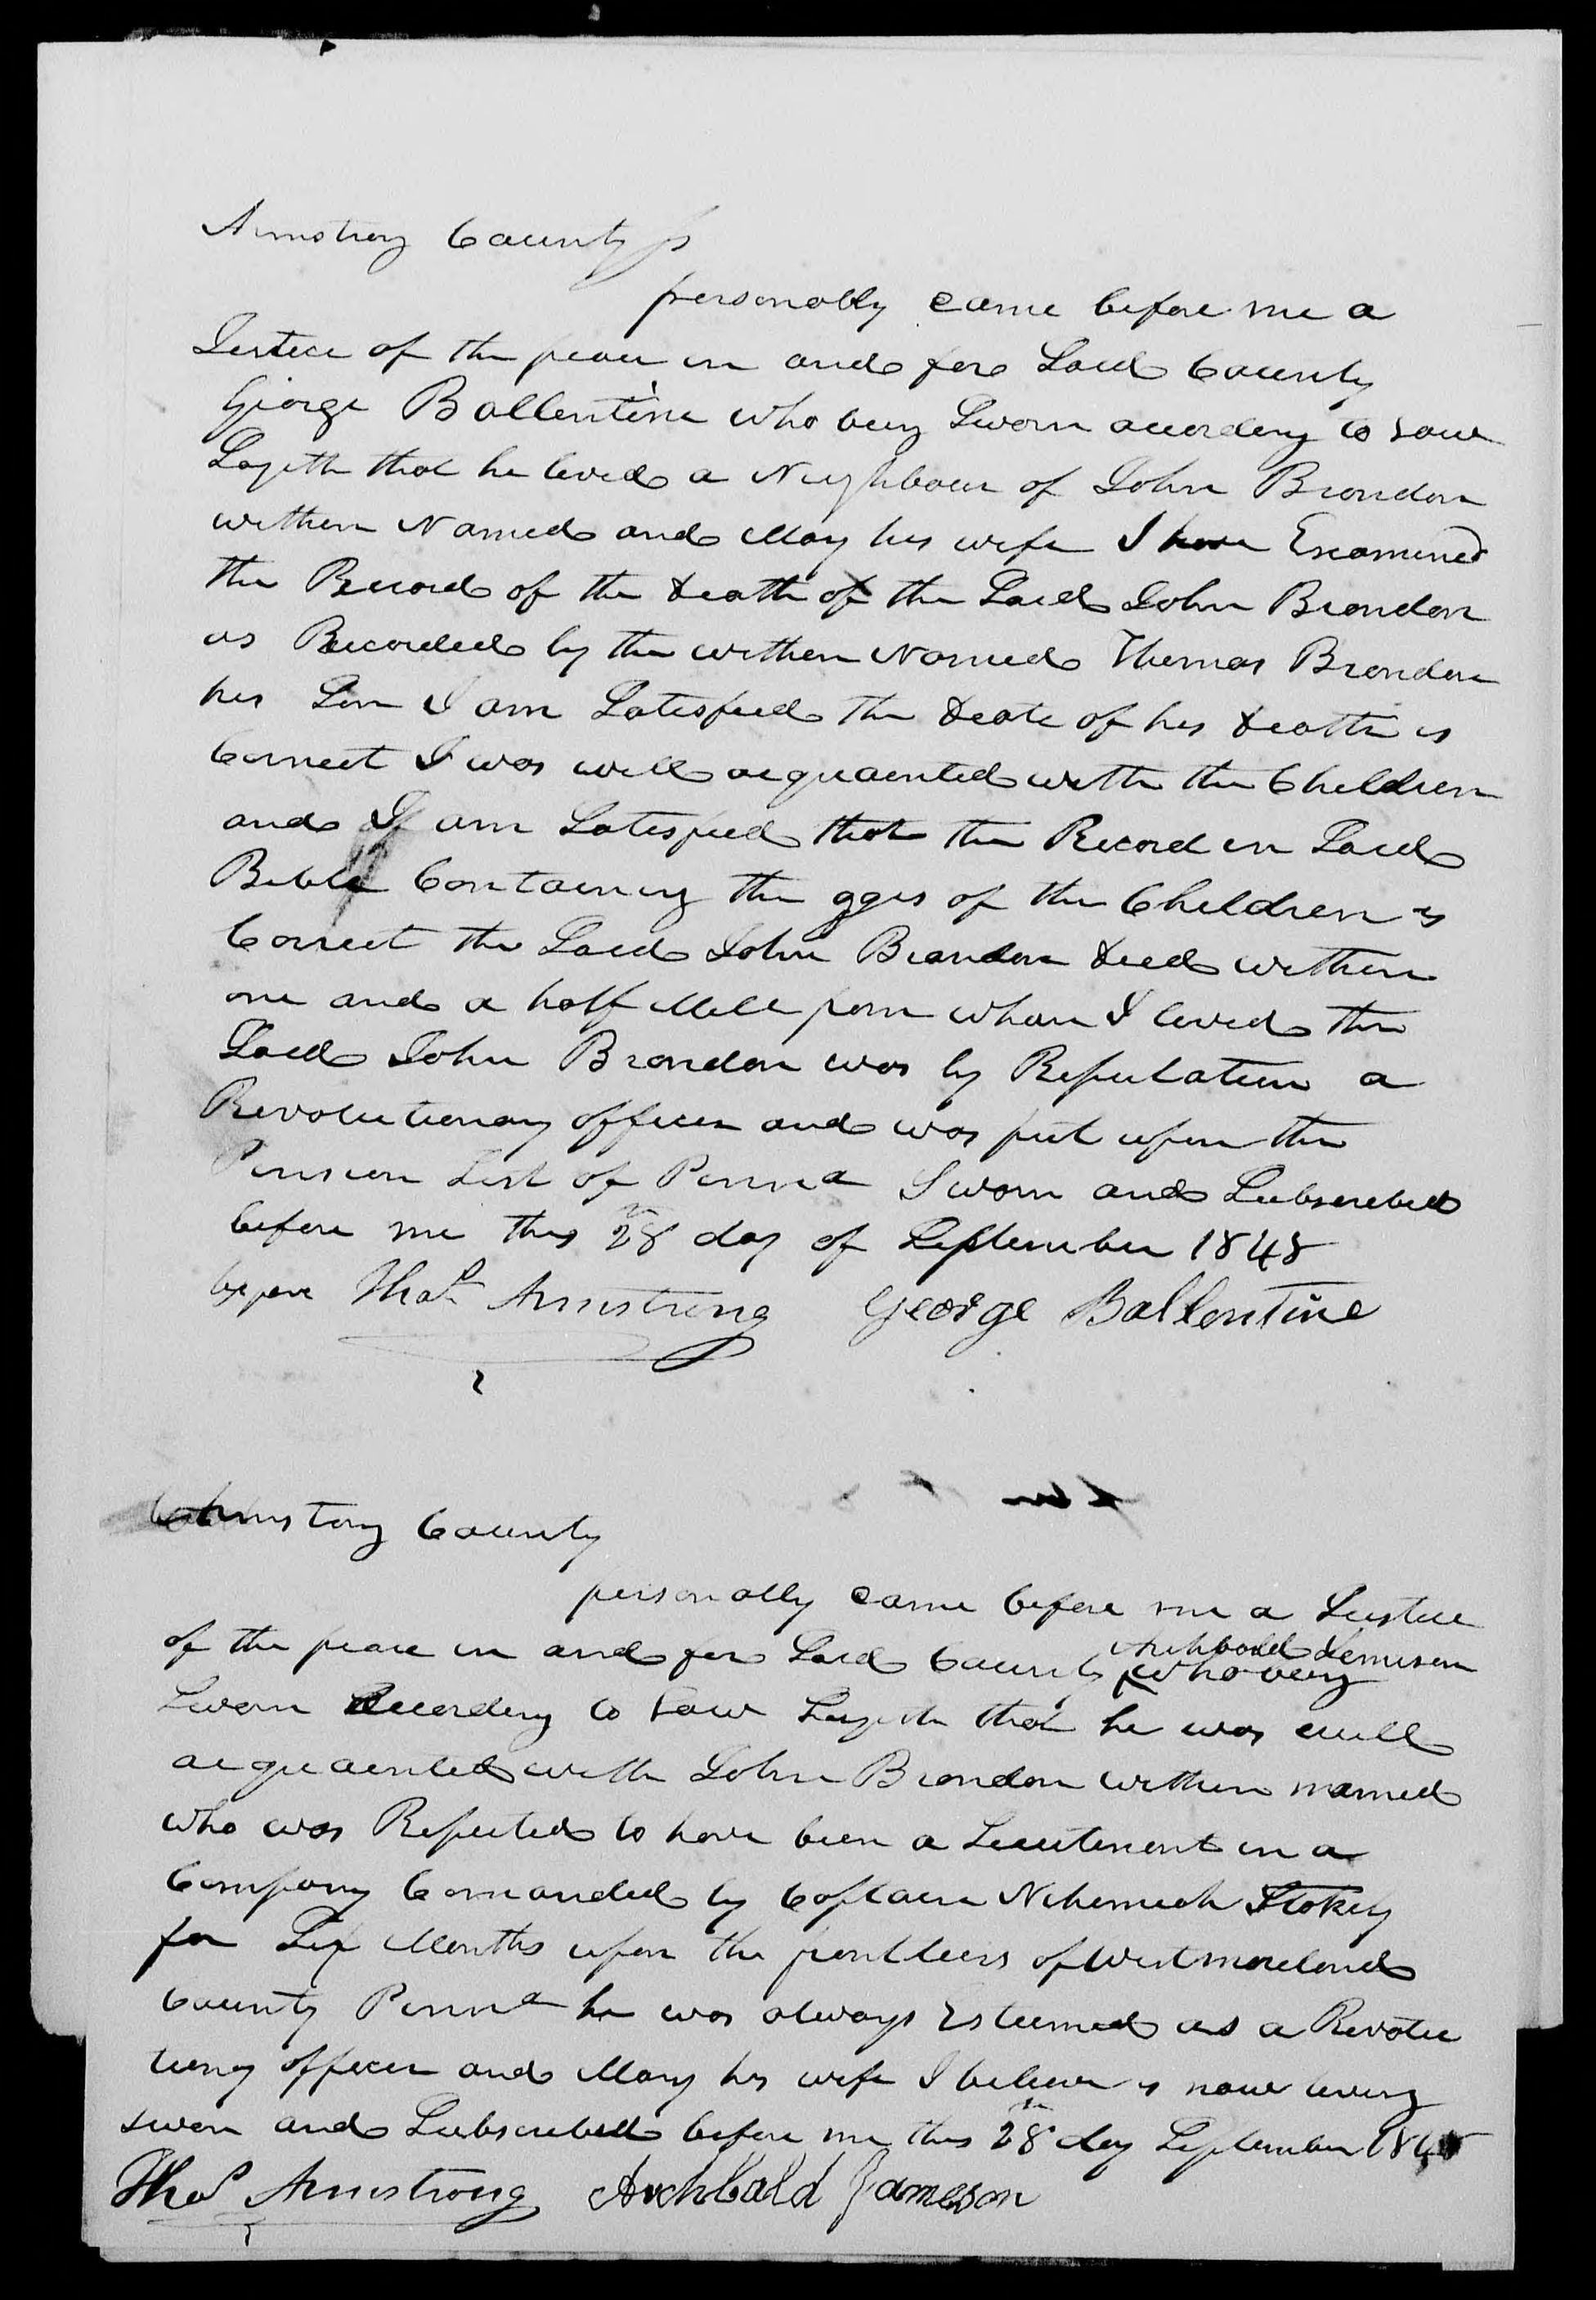Armstrong County ss
personally came before me a Justice of the peace in and for Said County George Ballentine who being Sworn according to Law Sayeth that he lived a Neighbour of John Brandon within Named and Mary his wife I Have Examined the Record of the death of the Said John Brandon as Recorded by the within Named Thomas Brandon his Son I am Satisfied the date of his death is Earnest I was well acquainted with the Children and I am Satisfied that the Record in Said Bible Containing the ages of the Children is Correct the Said John Brandon died within one and a half well(?) from when I lived there Said John Brandon was by Reputation a Revolutionary officer and was put upon the Pension List of Penna Sworn and Subscribed before me the 28th day of September 1848
before Thos. Armstrong      George Ballentine

Armstrong County
personally came before me a Justice of the peace in and for Said County Archibald Jameson who being Sworn according to Law Sayeth that he was well acquainted with John Brandon within name who was Reputed to have been a Lieutenant in a Company Commanded by Captain Nehemiah Stokley for Six Months upong the frontiers of Westmoreland County Penna he was always Esteemed as a Revolutionary office and Mary his wife I believe is now living 
sworn and Subscribed before me this 28th day September 1848
Thos Armstrong  Archibald Jameson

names: Mary, Thos Armstrong, Thomas Brandon, John Brandon, Archbald Jameson, George Ballentine, Thos Armstrong, John Brandon, Nehemiah Stokey, John Brandon, George Ballentine, John Brandon, John Brandon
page: 21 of 83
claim: widow's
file: W. 5946, John Brandon, Penn